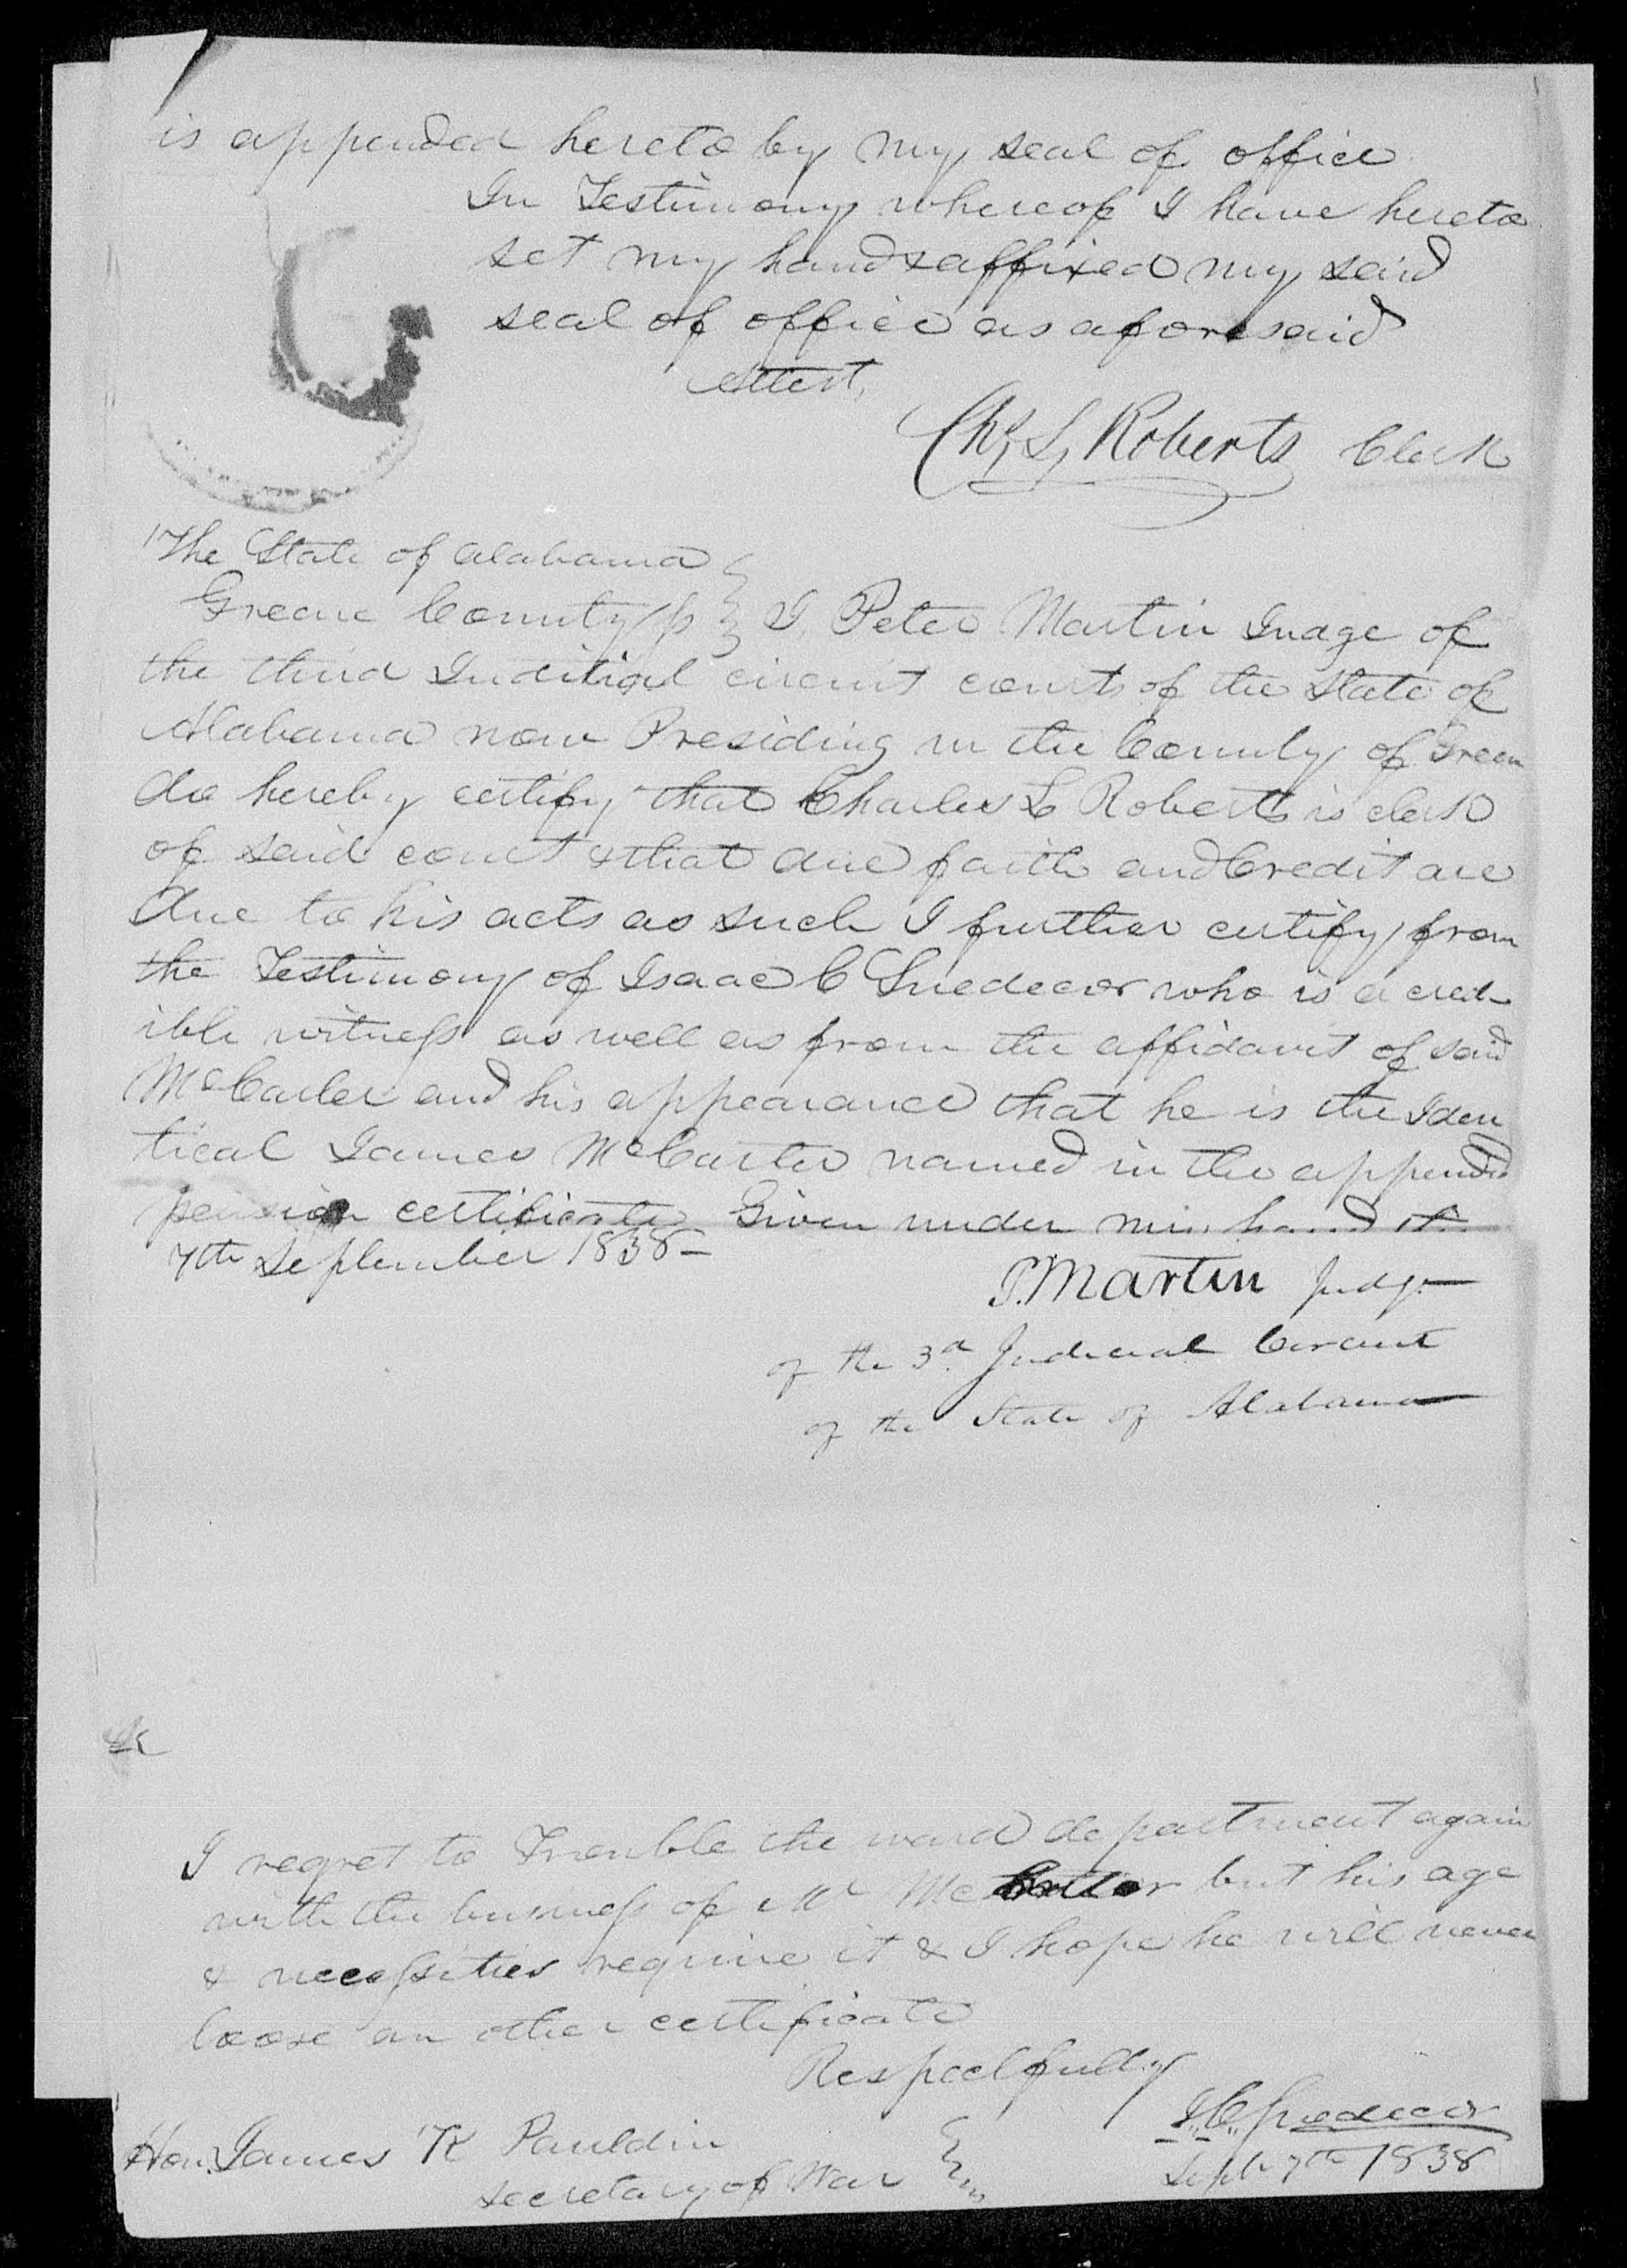is appended hereto by my seal of office
In Testimony whereof I have hereto set my hand & affixed my said seal of office as aforesaid

Attest Ch L Roberts Clerk

[image of a possible seal]

The State of Alabama}
Greene county} I, Peter Martin Judge of
the third Judicial ciruit courts of the State of
Alabama now Presiding in the County of Greene do hereby certify that Charles L Robert is clerk of said court & that due faith and credit are due to his acts as such I further ertify from the Testimony of Isaac C Snedecor who is a credible witness as well as from the affidavit of said James McCarter and his appearance that he is the Identical James McCarter named in the appended pension certificate Given under my hand the 7th September 1838-

P Martin Judge of the 3d Judicial Circuit
of the State of Alabama

I regret to trouble the war department again
with the business of Mr McCarter but his age
& necessities require it & I hope he will never
loose an other certificate

Respectfully I. C. Snedecor Sept 7 1838

Hon James K Pauldin
Secretary of War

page: 39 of 45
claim: survivor's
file: S. 13,890, for James Mc Carter, South Carolina